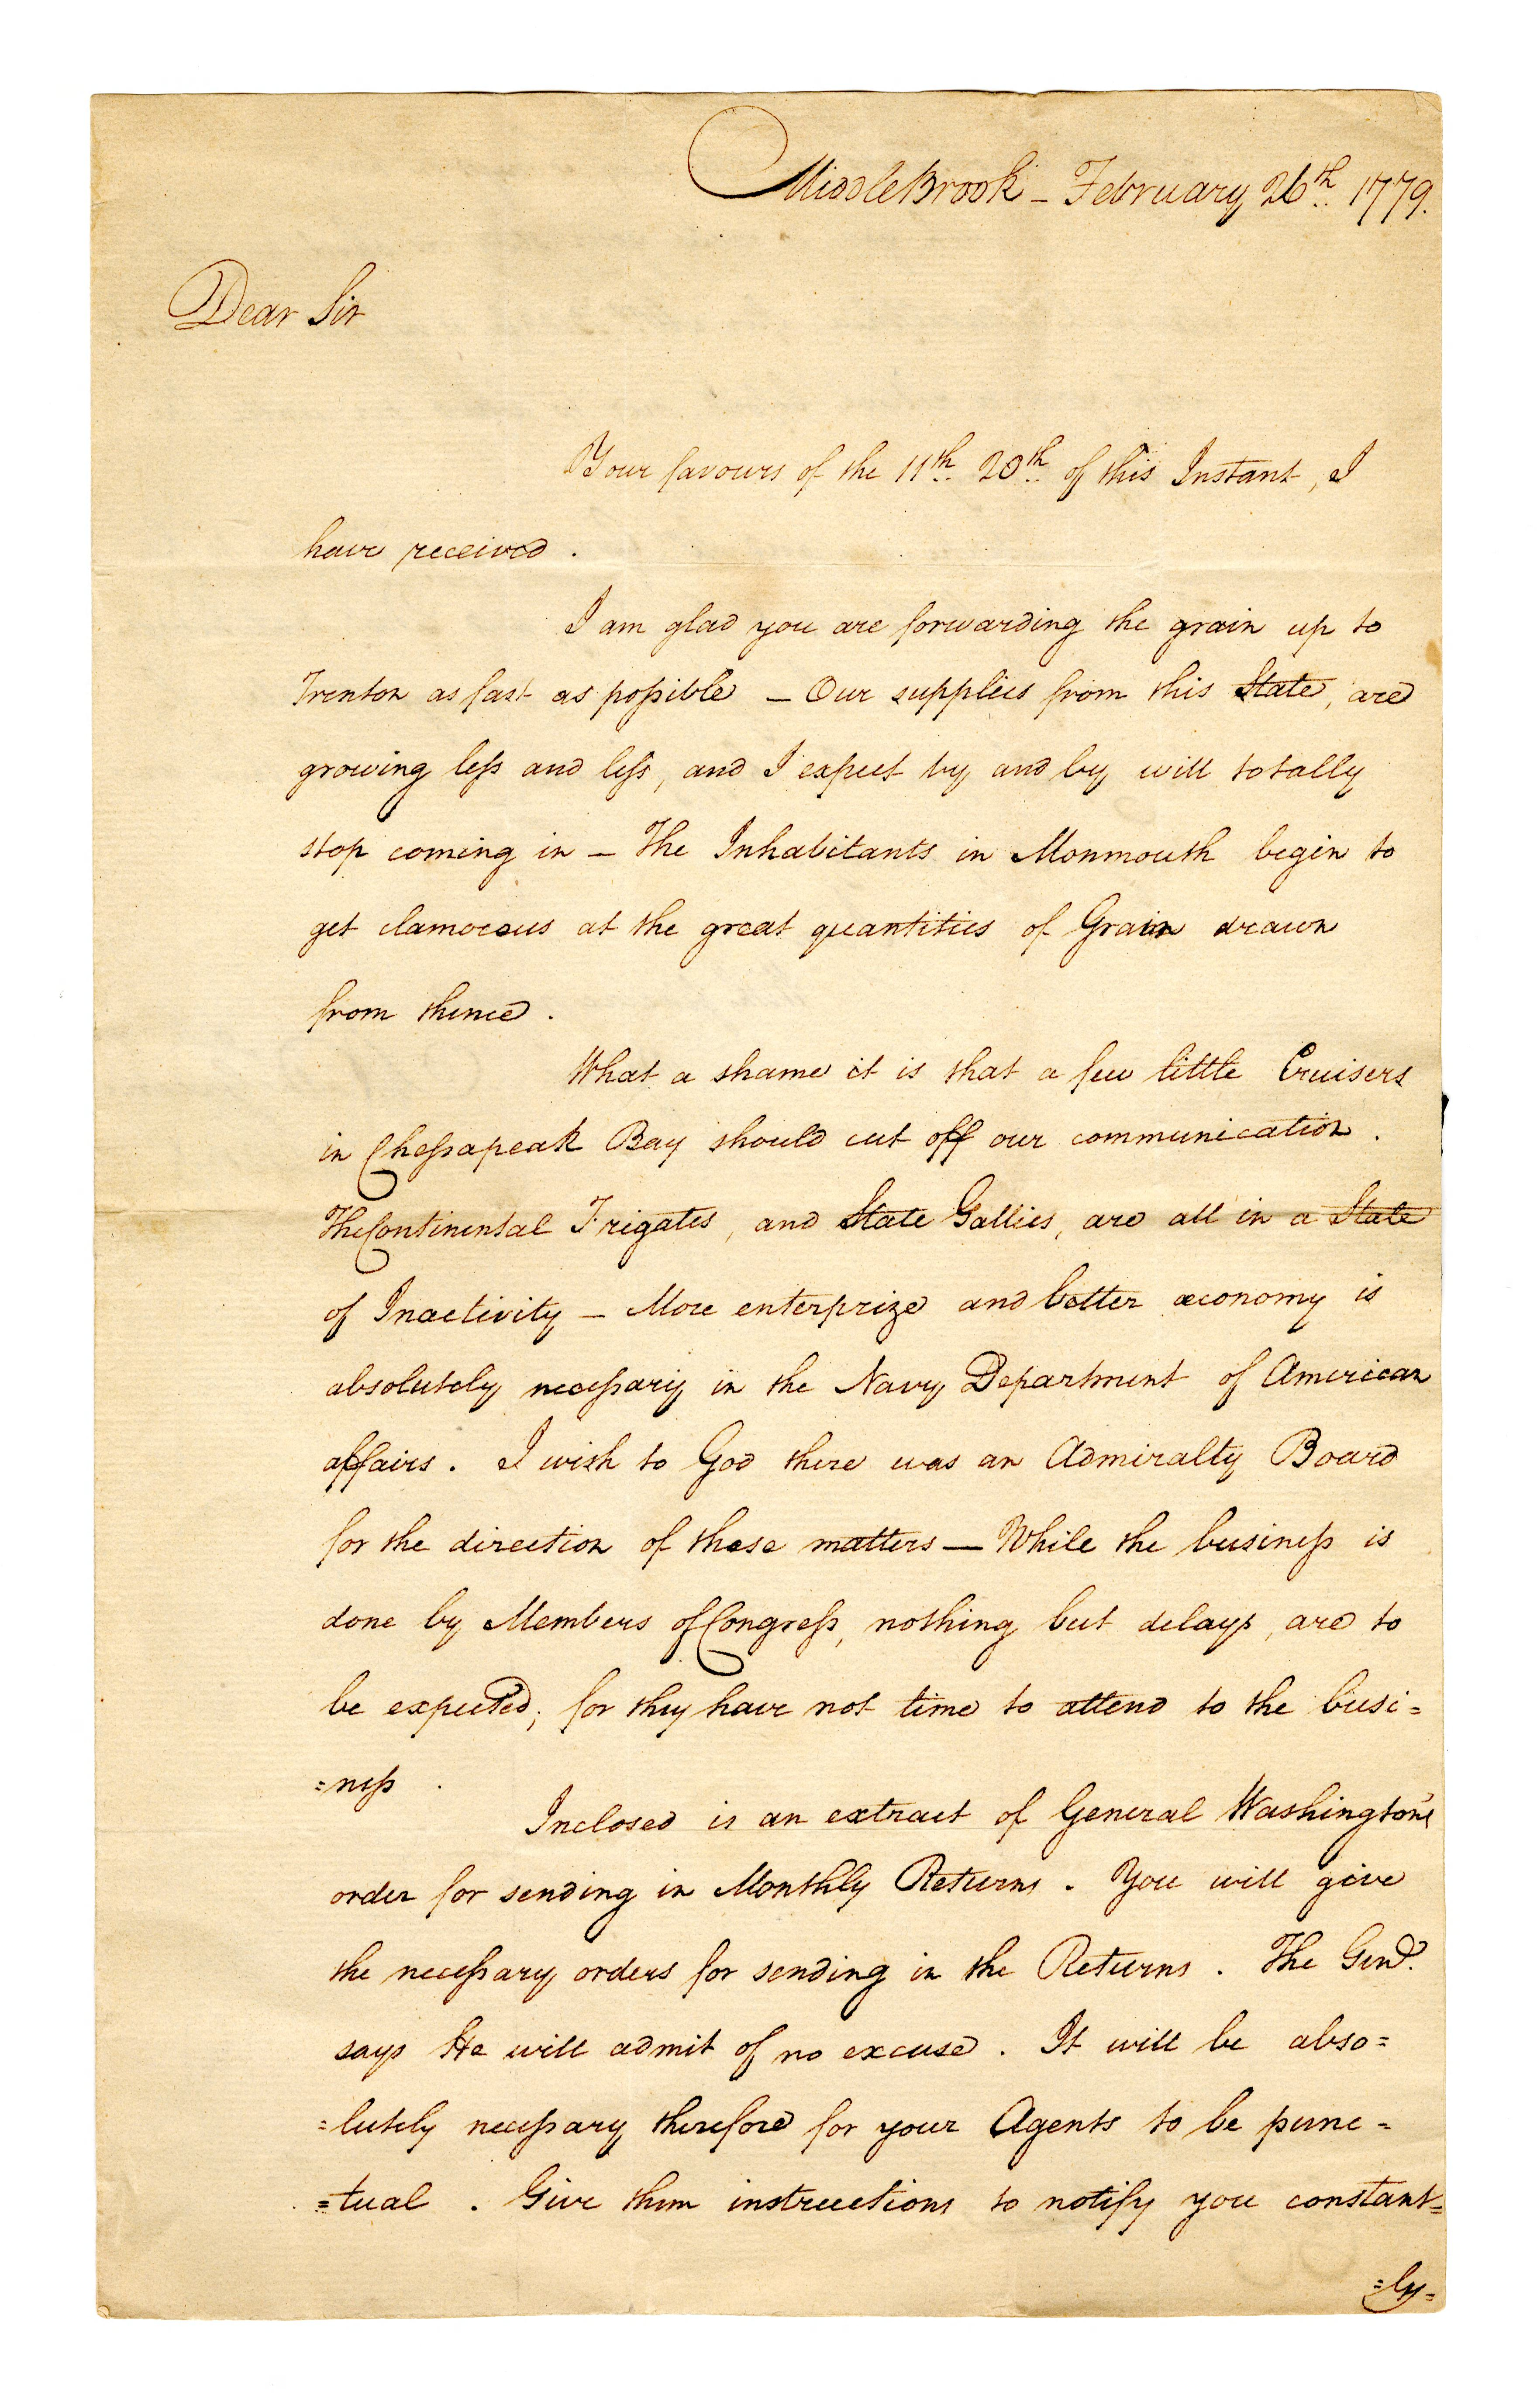MiddleBrook- February 26^th. 1779.
Dear Sir
Your favours of the 11^th. 20^th. of this Instant, I
have received.
I am glad you are forwarding the grain up to
Trenton as fast as possible- Our supplies from this State are
growing less and less, and I expect by and by will totally
stop coming in- The Inhabitants in Monmouth begin to
get clamorous at the great quantities of Grain drawn
from thence.
What a shame it is that a few little Cruisers
in Chessapeak Bay should cut off our communication.
Transcontinental Frigates, and State Gallies, are all in a State
of Inactivity- More enterprize and better oeconomy is
absolutely necessary in the Navy Department of American
affairs. I wish to God there was an Admiralty Board
for the direction of those matters- While the business is
done by Members of Congress, nothing but delays are to
be expected; for they have not time to attend to the busi-
-ness.
Inclosed is an extract of General Washington's
order for sending in Monthly Returns. You will give
the necessary orders for sending in the Returns. The Gen^l.
says He will admit of no excuse. It will be abso-
-lutely necessary therefore for your Agents to be punc-
-tual. Give them instructions to notify you constant-
-ly-